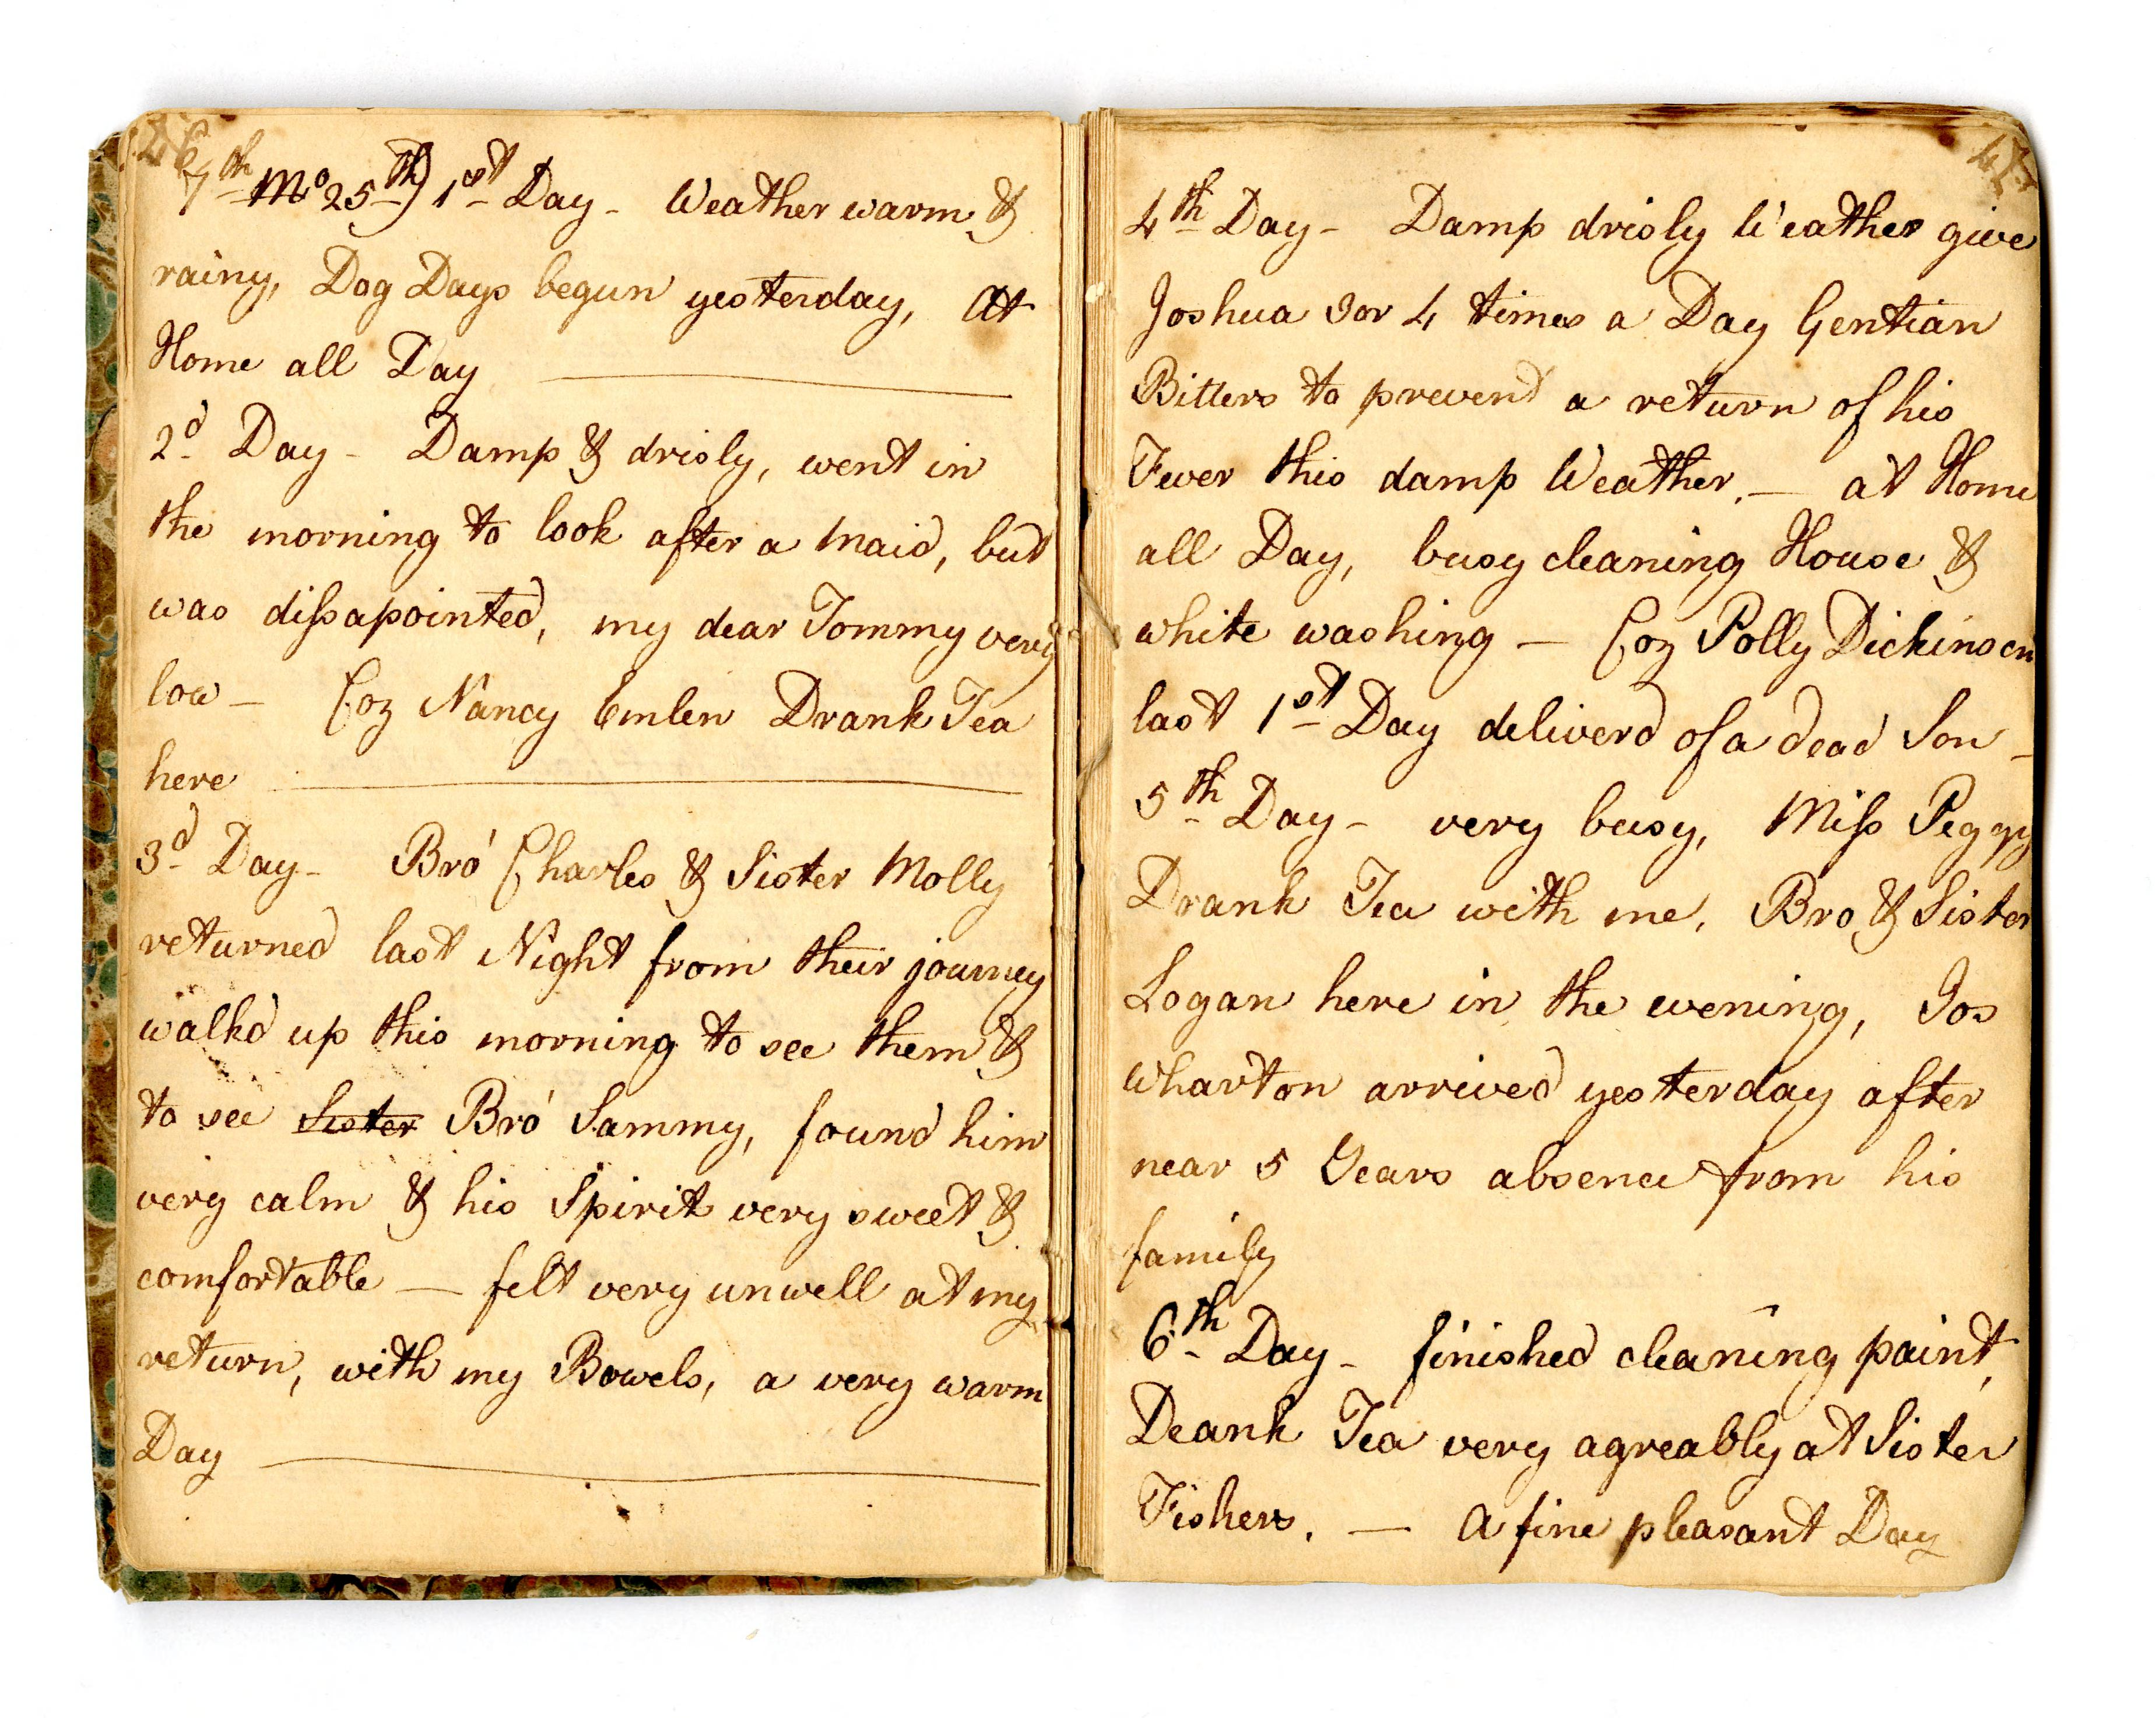46
7^th M^o 25^th) 1^st Day- Weather warm &
rainy, Dog Days begun yesterday, At
Home all Day
2^d Day- Damp & drisly, went in
the morning to look after a maid, but
was dissapointed, my dear Tommy very
low- Coz Nancy Emlen Drank Tea
here-
3^d Day- Bro' Charles & Sister Molly
returned last Night from their journey
walkd up this morning to see them &
to see Sister Bro' Sammy, found him
very calm & his Spirit very sweet &
comfortable- felt very unwell at my
return, with my Bowels, a very warm
Day
47
4^th Day- Damp drisly Weather give
Joshua 3 or 4 times a Day Gentian
Bitters to prevent a return of his
Fever this damp Weather.- at Home
all Day, busy cleaning House &
white washing- Coz Polly Dickinson
last 1^st Day delivered of a dead Son-
5^th Day- very busy, Miss Peggy
Drank Tea with me, Bro & Sister
Logan here in the evening, Jos
Wharton arrived yesterday after
near 5 Years absence from his
family
6^th Day- finished cleaning paint
Drank Tea very agreably at Sister
Fishers- A fine pleasant Day